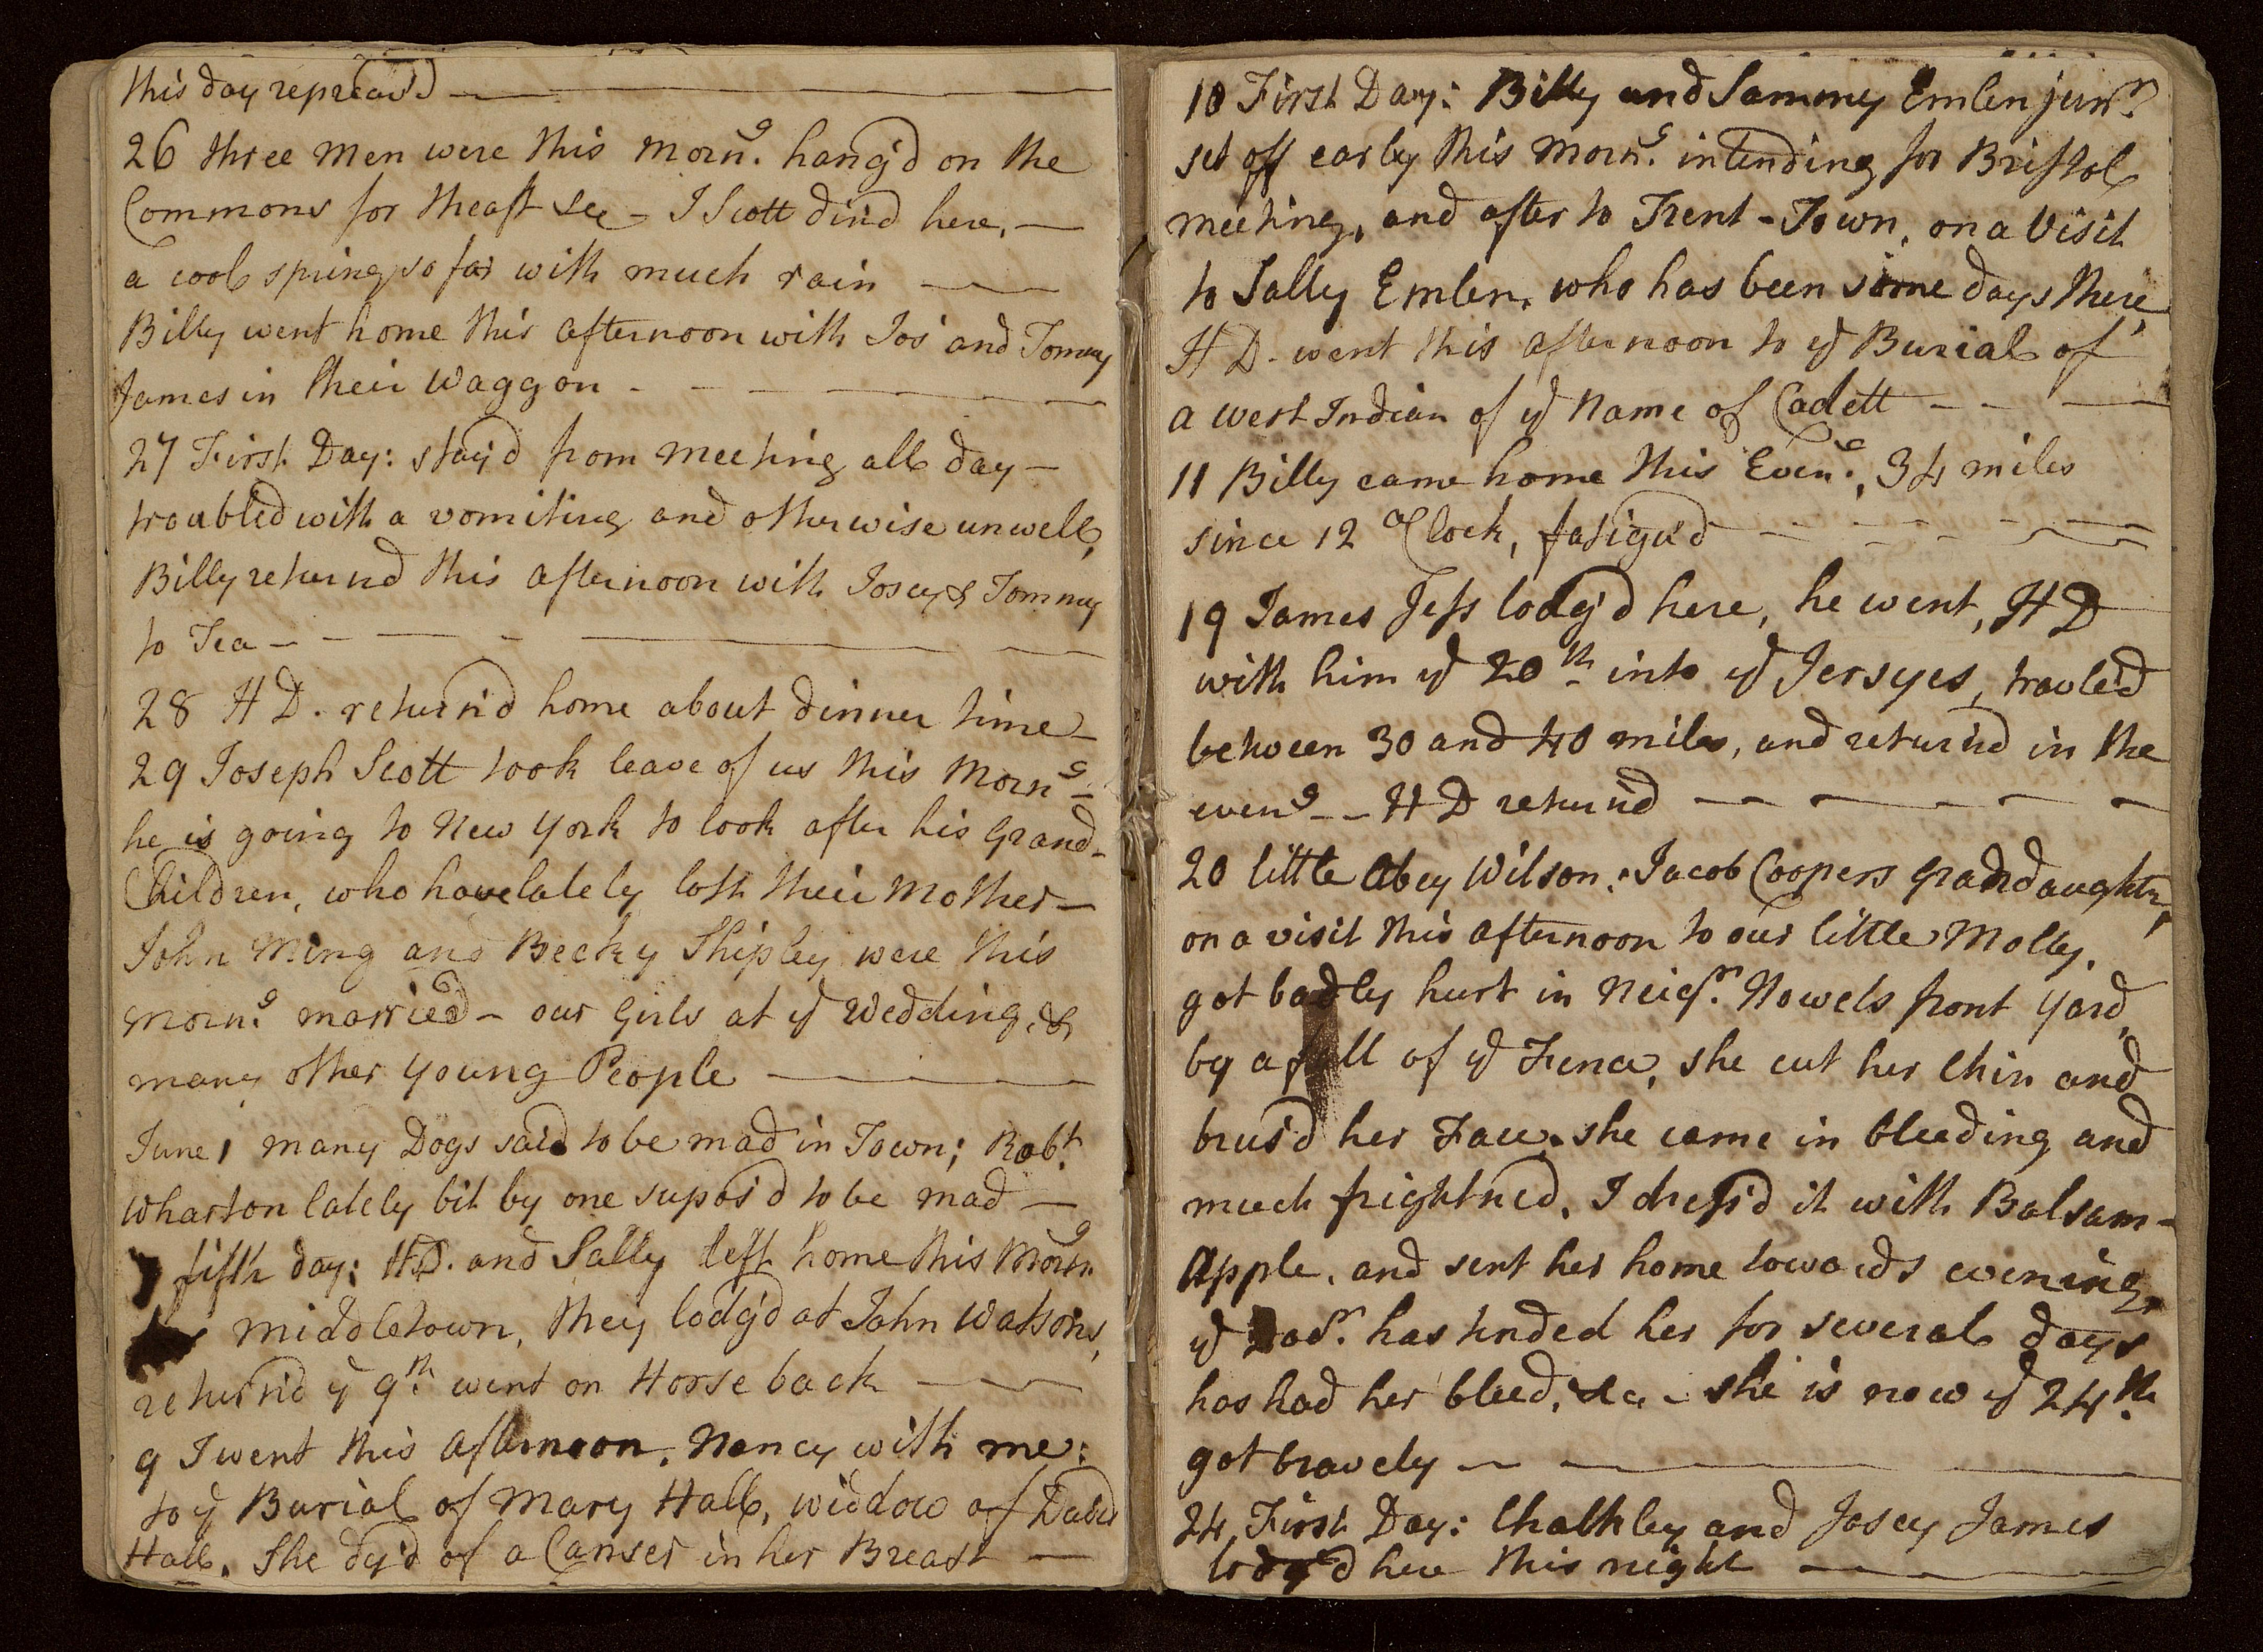this day repreav'd-
26 three men were this morn^g. hang'd on the
Commons for theaft &c- I Scott din'd here,-
a cool spring so far with much rain-
Billy went home this afternoon with Jos and Tommy
James in their Waggon.--
27 First Day: stay'd from meeting all day-
troubled with a vomiting and otherwise unwell,
Billy returnd this afternoon with Josey & Tommy
to Tea--
28 HD return'd home about dinner time-
29 Joseph Scott took leave of us this Morn^g
he is going to New York to look after his Grand-
Children, who have lately lost their Mother-
John Ming and Becky Shipley were this
Morn.^g married- our Girls at y^e wedding &
many other Young People-
June, many Dogs said to be mad in Town; Rob^t
Wharton lately bit by one supos'd to be mad-
fifth day; HD and Sally left home this Morn^g
Middletown, they lodg'd at John Watsons,
return'd y^e 9^th went on Horse back--
9 I went this afternoon, Nancy with me:
to y^e Burial of Mary Hall, widdow of [Daber]
Hall, She dy'd of a Canser in her Breast-
10 First Day: Billy and Sammy Emlen jun^r.
set off early this morn^g. intending for Bristol
meeting, and after to Trent-Town, on a Visit
to Sally Emlen, who has been some days there
HD- went this afternoon to y^e Burial of
a wert Indian of y^e name of Cadett---
11 Billy came home this Even^g. 34 miles
since 12 ^o Clock, fatigu'd
19 James Jess lodg'd here, he went, HD
with him y^e 20^th into y^e Jersyes, travled
between 30 and 40 mile, and return'd in the
even^g- HD return'd----
20 little Abey Wilson: Jacob Coopers granddaughter
on a visit this afternoon to our little Molly,
get badly hurt in Neigh^r. Howels front yard
by a full of y^e Fence, she cut her chin and
brus'd her Face, she came in bleeding and
much frightned. I dress'd it with Balsam-
Apple, and sent her home towards evening
y^e Doc^r. has tended her for several days
has had her bleed, &c- she is now y^e 24^th
got bravely--
24, Fist Day: Chalkley and Josey James
lodg'd here this night